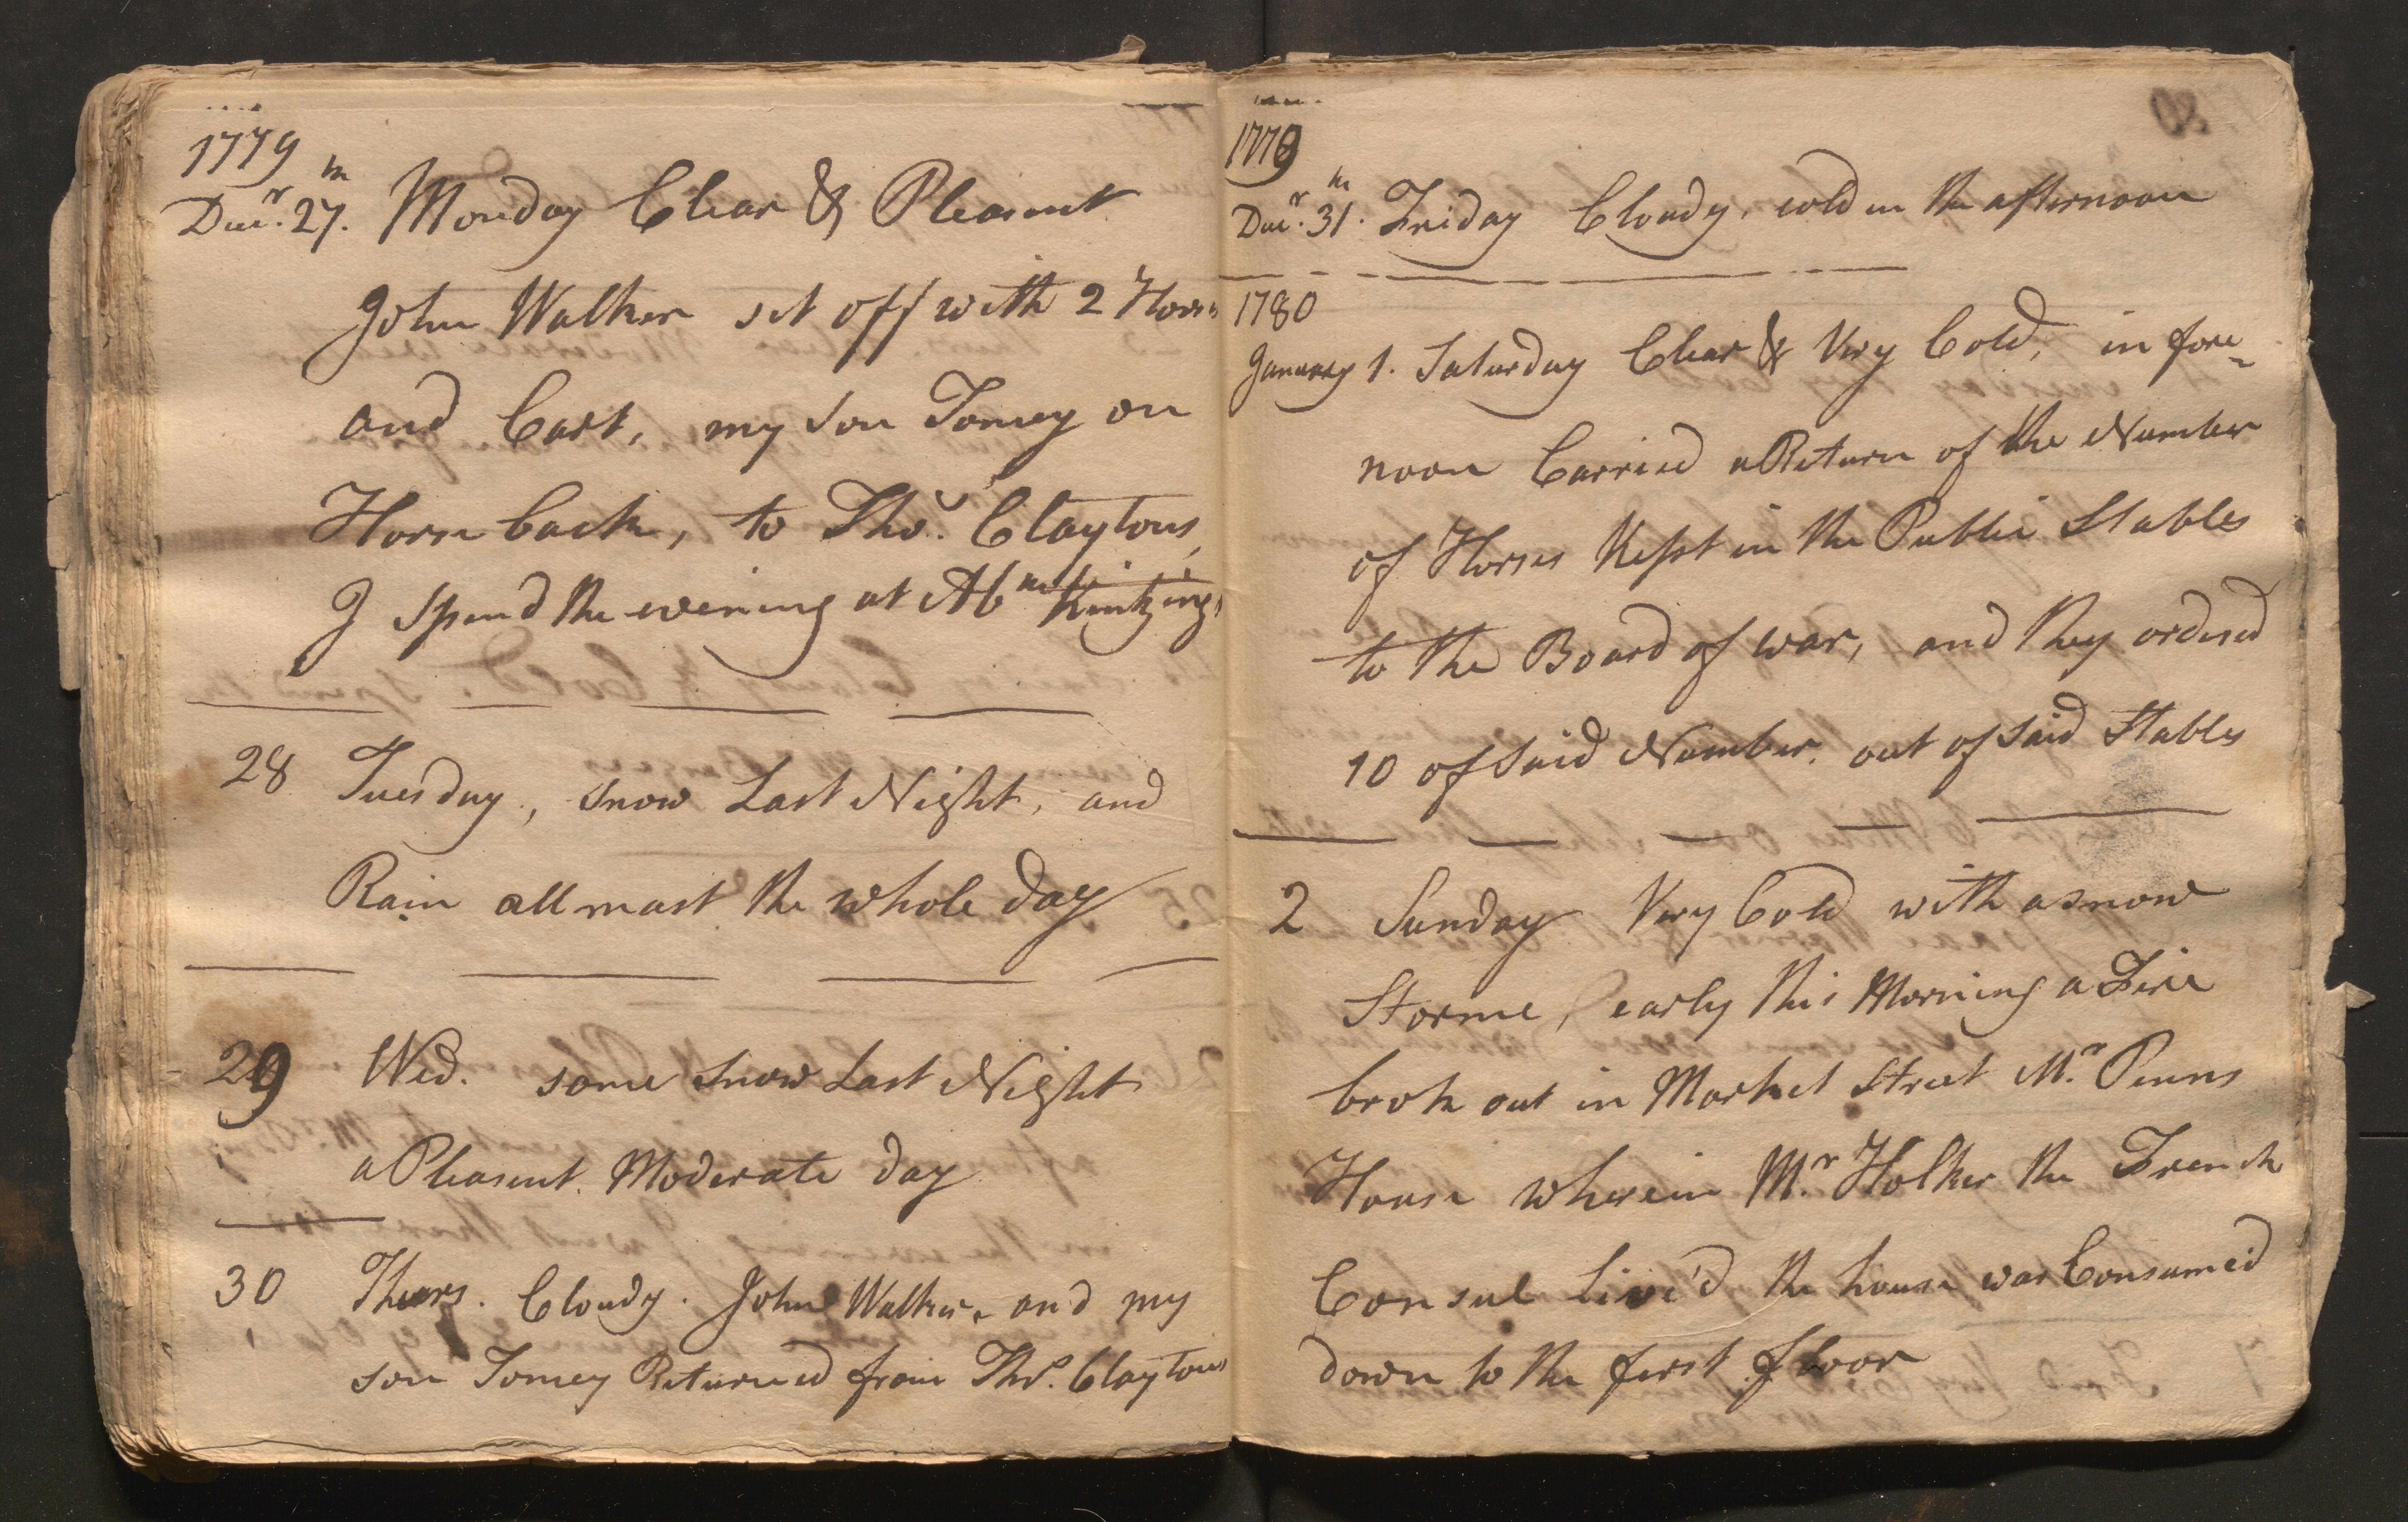1779
Dec^r. 27^th. Monday Clear & Pleasent
John Walker set off with 2 Horses
and Cart, my Son Tomey on
Horseback, to Tho^s. Claytons,
I spend the evening at Ab^m Kintzings
28 Tuesday, snow Last Night, and
Rain all most the whole day
29 Wed. some snow Last Night
a Pleasent Moderate day
30 Thurs. Cloudy. John Walker and my
sor Tomey Returned from Tho^s. Claytons
1779
Dec^r. 31^th. Friday Cloudy. cold in the afternoon
1780
January 1. Saturday Clear & Very Cold, in fore
nover Carried a Return of the Number
of Horses kept in the Public Stable
to the Board of war, and they ordered
10 of said Number. out of said Stables
2 Sunday Very Cold with a snow
Storme, early this Horing a Fire
brok out in Market Street M^r. Penns
House wherein M^r. Holker the French
Consul Live'd - the house was Consumed
down to the first floor